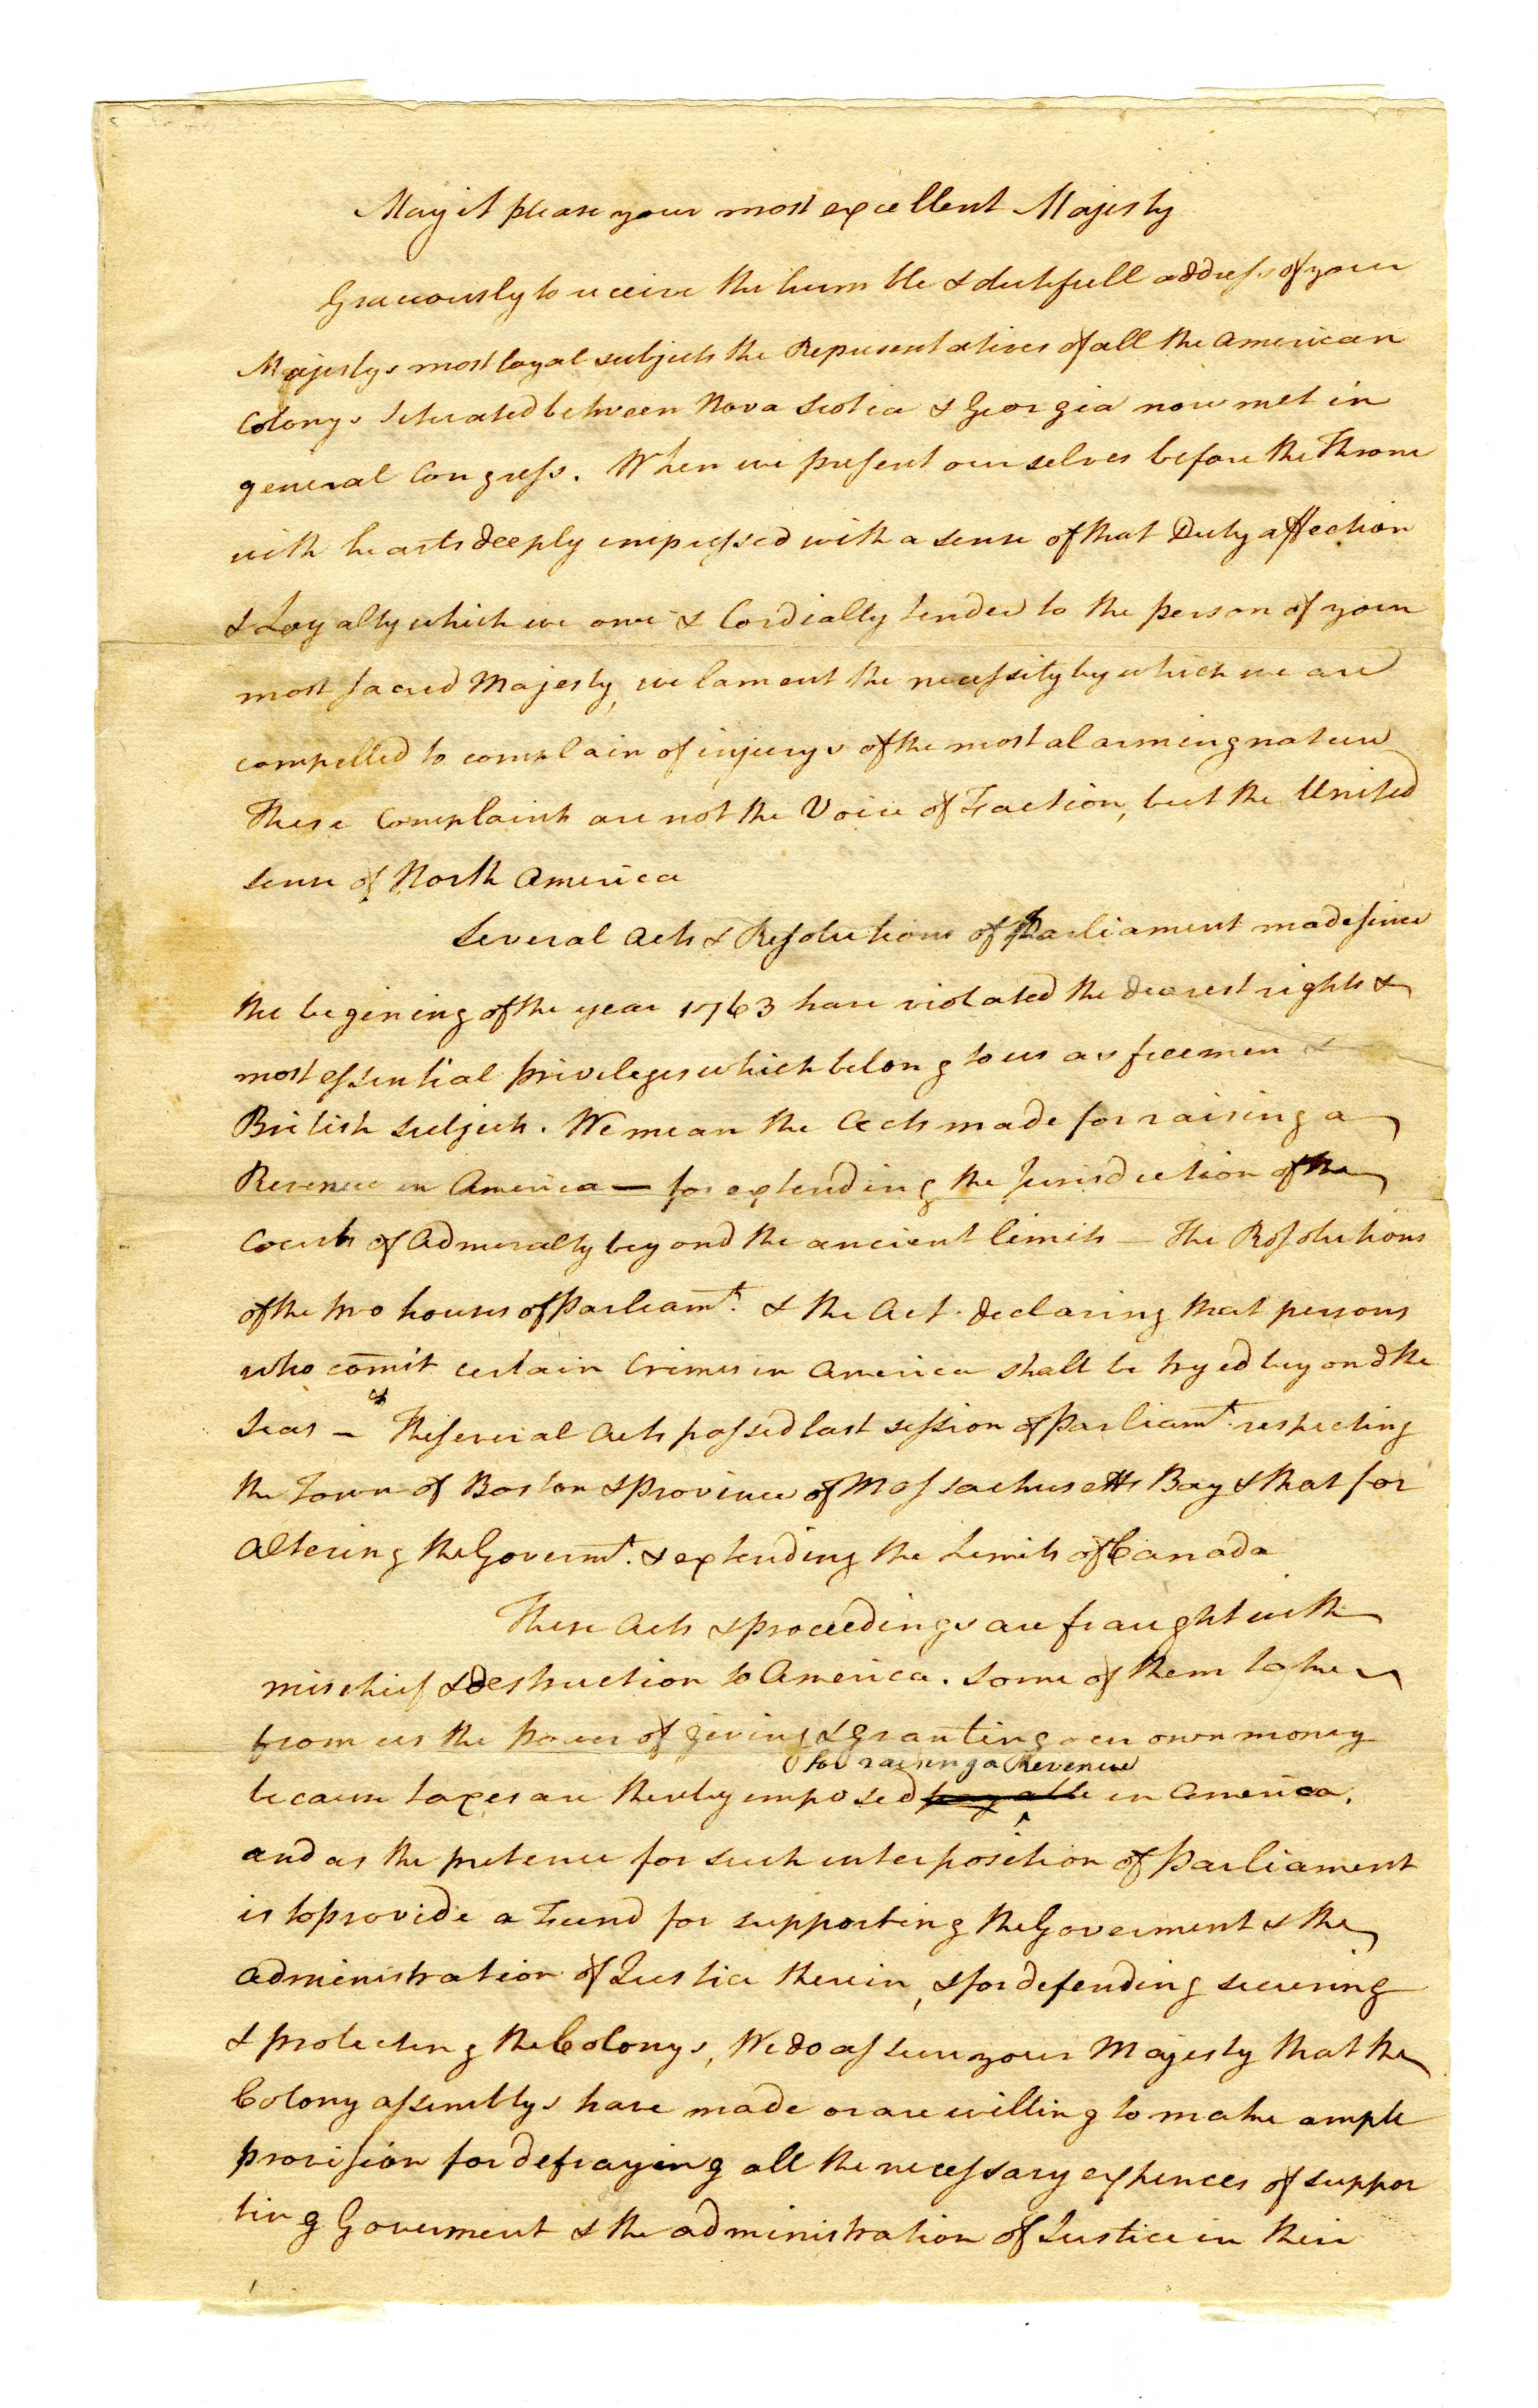May it please your most excellent Majesty
Graciously to receive the humble & dutifull address of your
Majestys most loyal subjects the Representatives of all the American
Colonys situated between Nova Scotia & Georgia now met in
general Congress. When we present ourselves before the Throne
with hearts deeply impressed with a sense of that Duty affection
& Loyalty which we owe & Cordially tender to the person of your
most sacred Majesty, we lament the necessity by which we are
compelled to complain of injurys of the most alarming nature
These Complaints are not the Voice of Faction, but the United
sum of North America
Several acts & Resolutions of Parliament made since
the begining of the year 1763 have violated the dearest rights &
most essential privileges which belong to us as freemen &
British subjects. We mean the Acts made for raising a
Revenue in America- for extending the Jurisdiction of the
Courts of Admiralty beyond the ancient limits- The Resolutions
of the mo houses of Parliam^t. & the Act declaring that persons
who com̄it certain Crimes in America shall be tryed beyond the
seas- Theseveral Acts passed last session of Parliam^t. respecting
the Town of Boston & Province of Massachusetts Bay & that for
altering the Goverm^t. & extending the Limits of Canada
These Acts & proceedings are fraught with
mischief & destruction to America. Some of them [take]
from us the power of giving & granting our own money
for raising a Revenue
because taxes are heavily imposed ^ in America,
and as the pretence for such interposition of Parliament
is toprovide a Fund for supporting the Goverment & the
administration of Justice therein, & for defending securing
& protecting the Colonys, We do assure your Majesty that the
Colony assemblys have made or are willing to make ample
provision for defraying all the necessary expences of suppor
ting Goverment & the administration of Justice in their